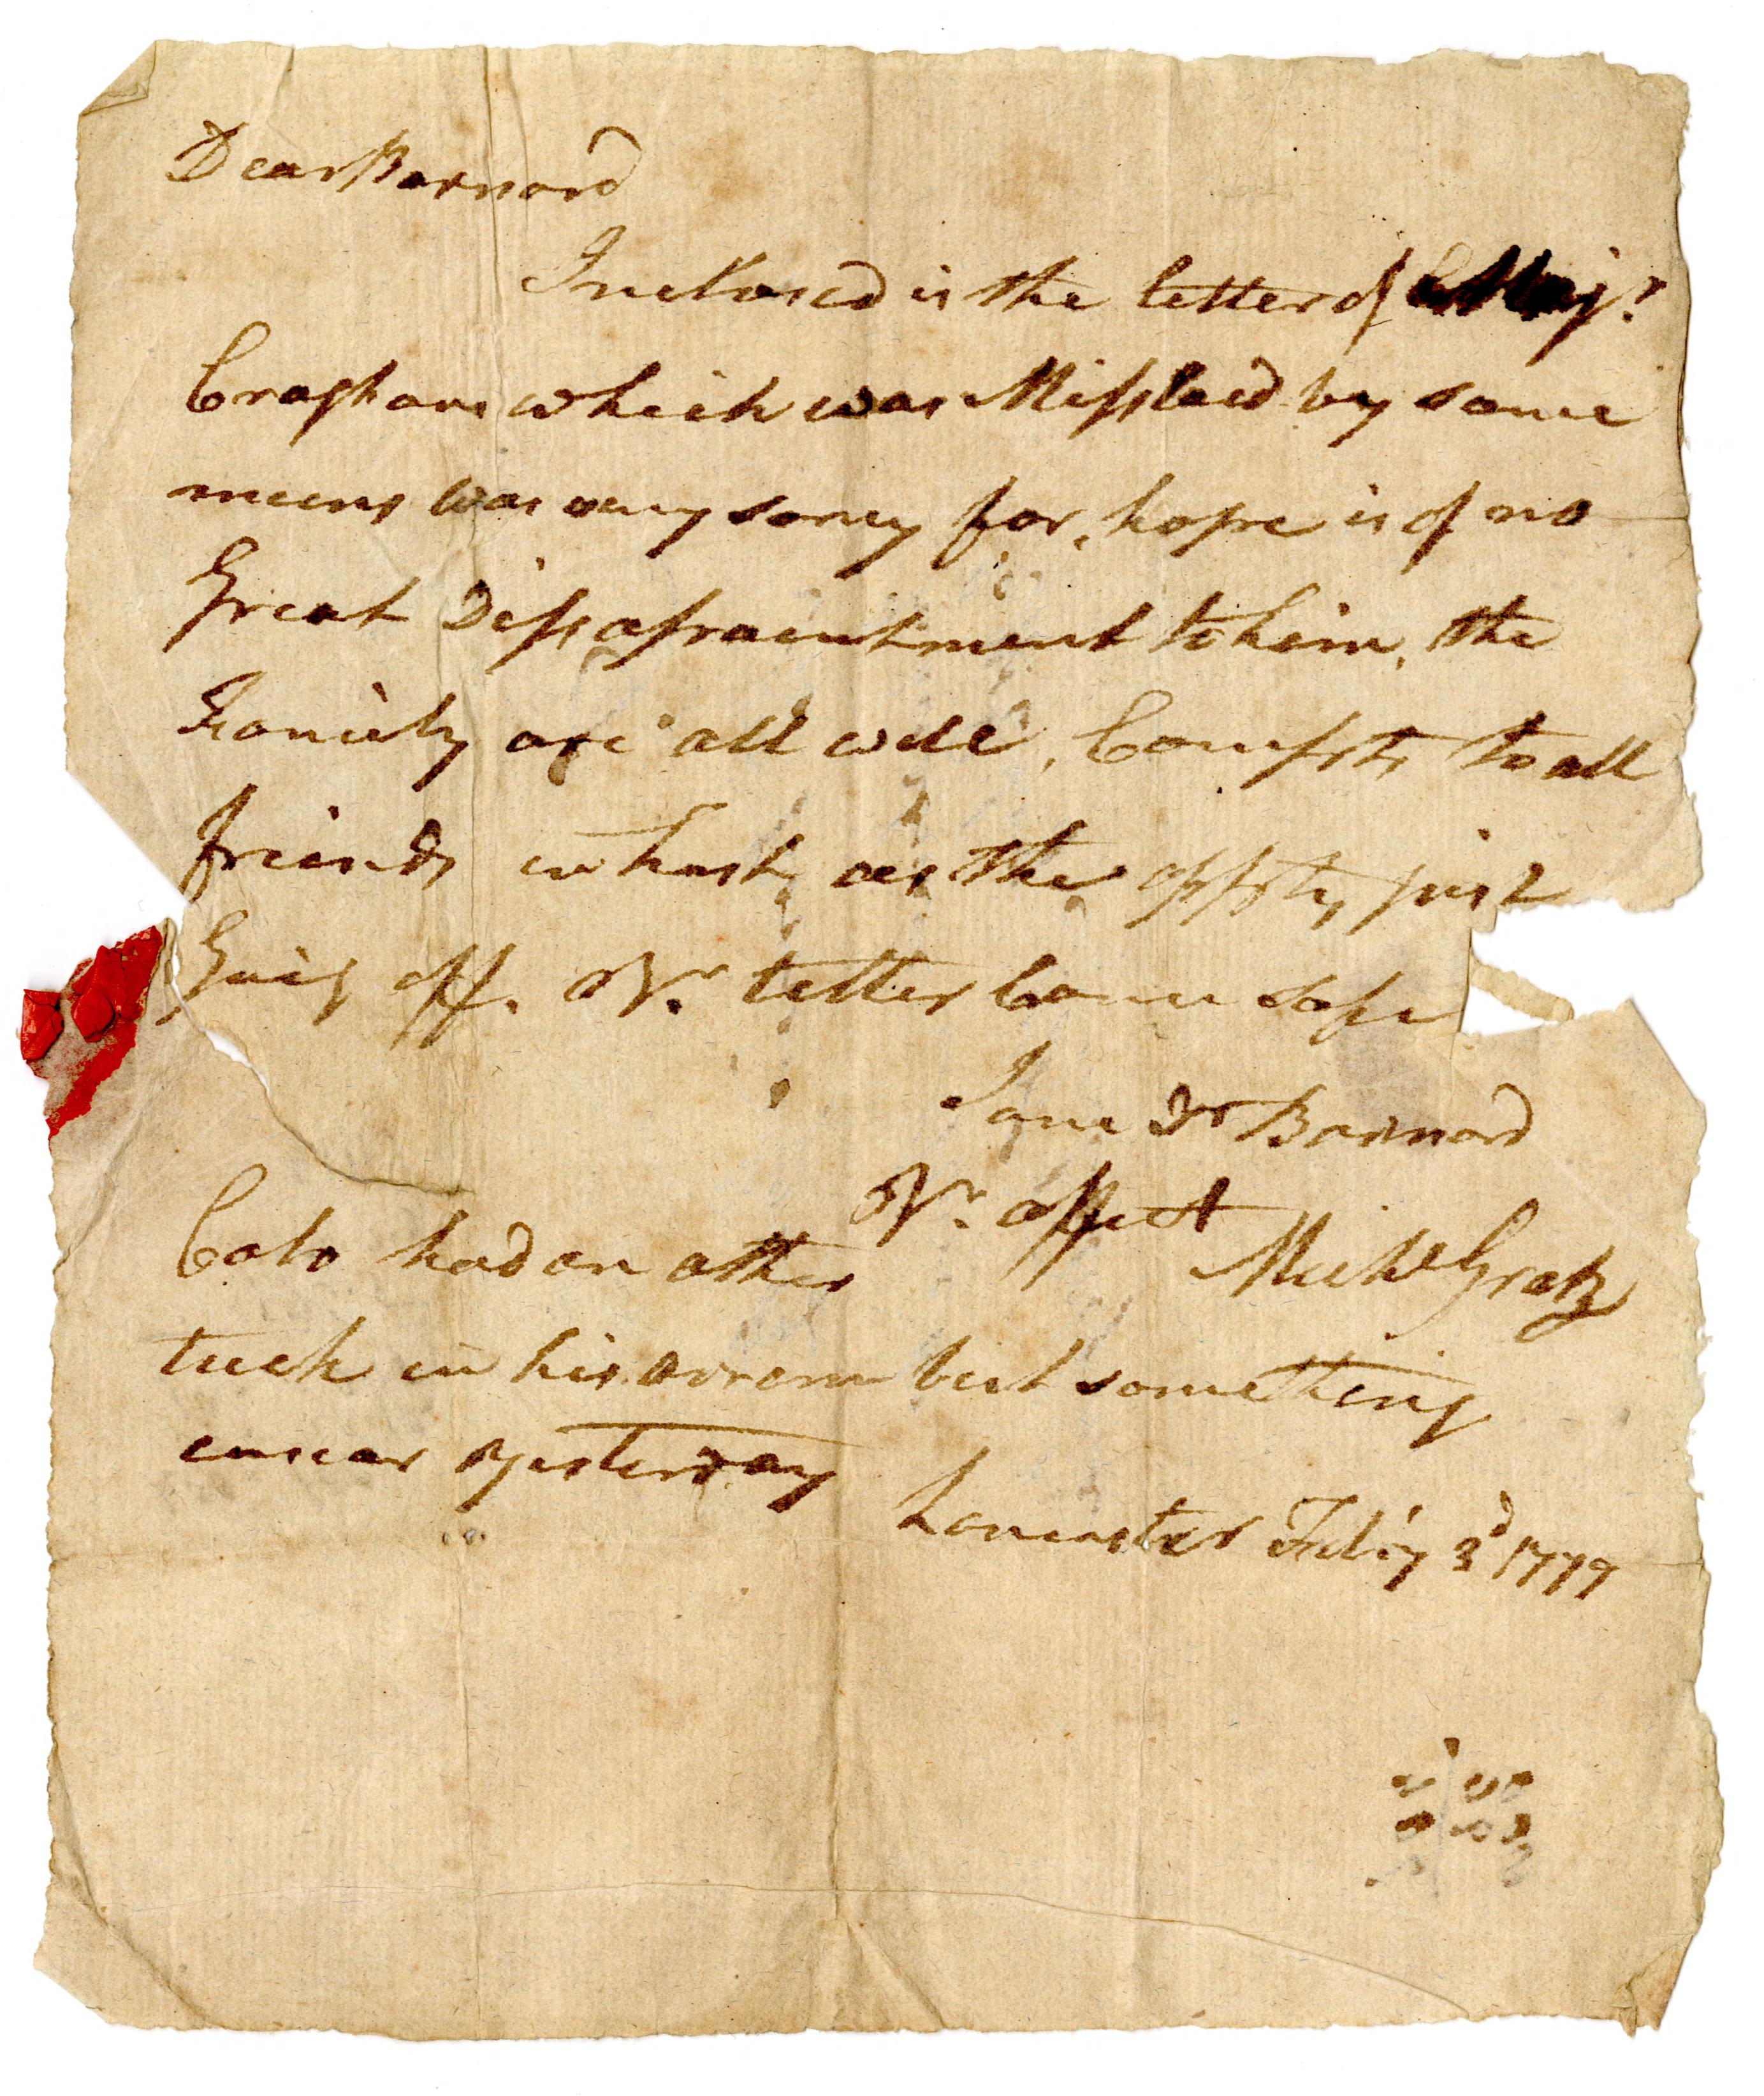Dear Barnard
Inclosed is the letter of Maj^r
Croghan which was Misslaid by some
means was very sorry for. hope is of no
great Dissapointment to him, the
Family are all well, Compts to all
friends what are the opp^ty just
Going off. Y^r. Letter Cause safe
I am Y^r Barnard
Y^r. affect
Mich^l Gratz
Cato had on other
tuch in his avern but something
came yesterday
Lancaster, Feb^y 3^d 1779